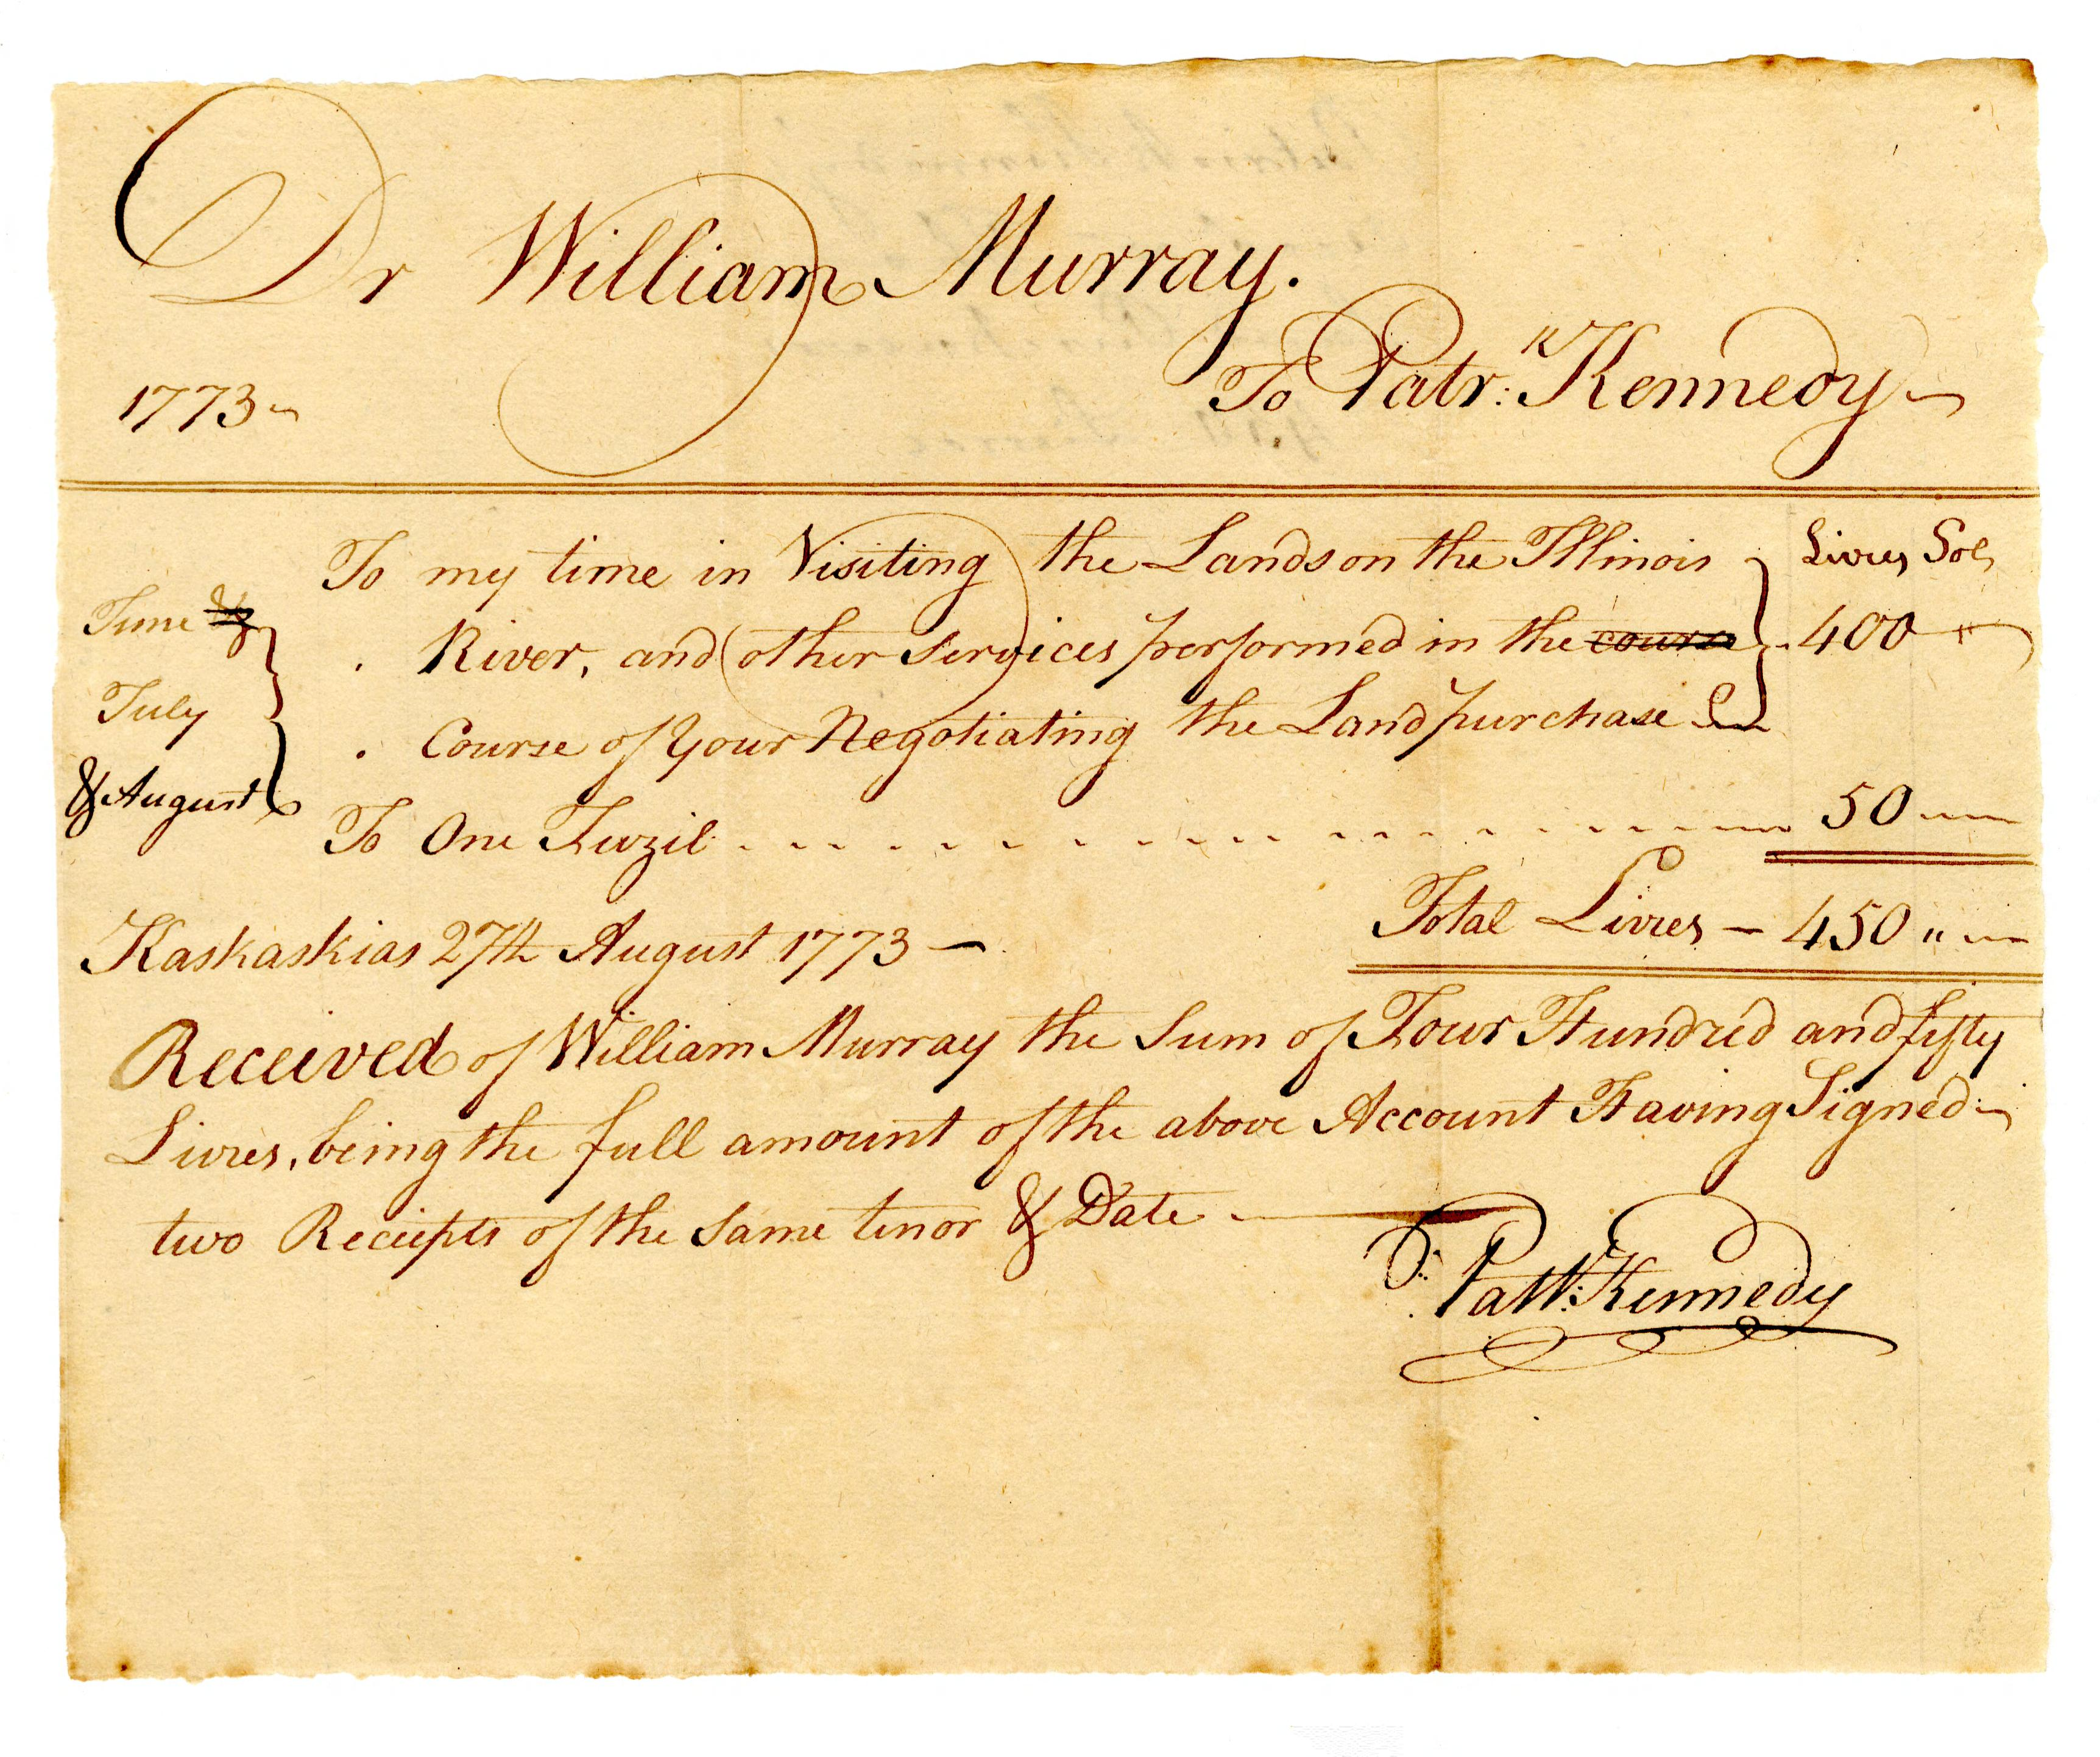Dr William Murray.
To Patr^k: Kennedy-
1773-
To my time in Visiting the Lands on the Illinois
River, and other services performed in the [course]
Course of Your Negotiating the Land purchase-
Lives Sol
400
Time [&]
July
& August
To One Tuzil
Kashaskias 27th August 1773-
Received of William Murray the Sum of Four Hundred and fifty
Livres, being the full amount of the above Account Having Signed-
two Reciepts of the Same tenor & Date-
50
Total Livres- 450..-
Patr^k: Kennedy